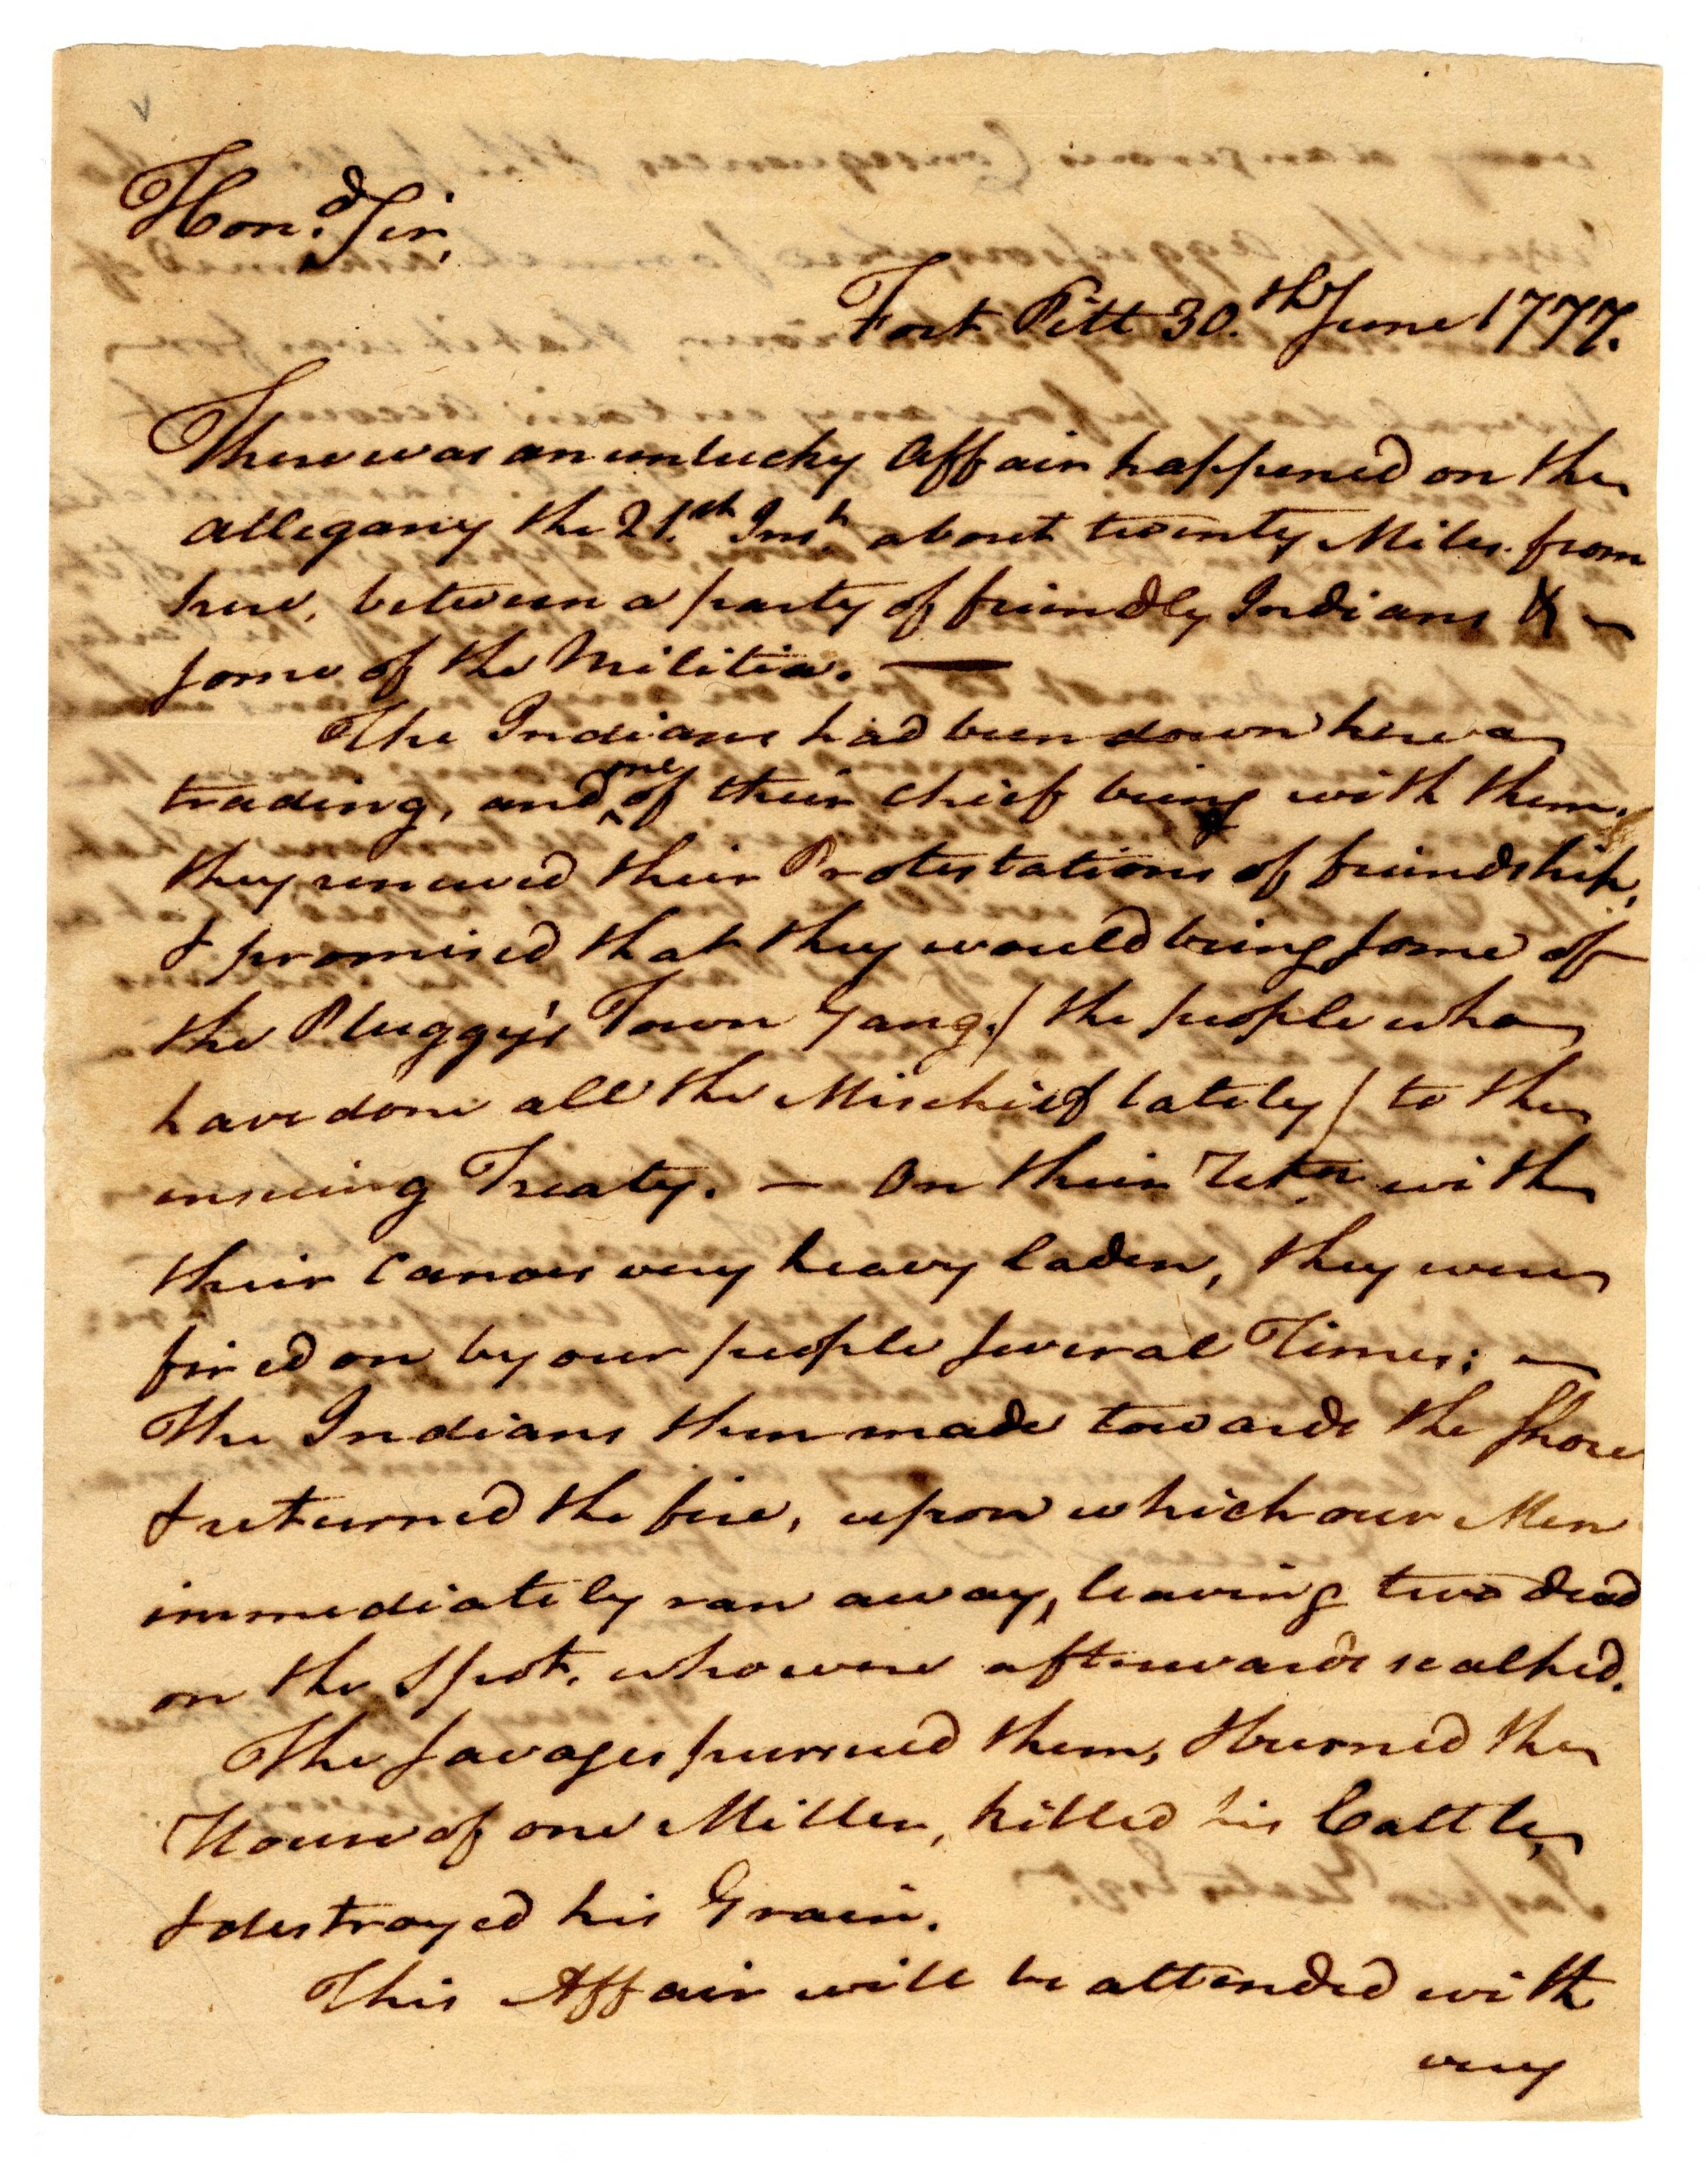Fort Pitt 30^th. June 1777.
Hon. Sir,
There was an unlucky affair happened on the
Allegany the 21.^st Ins^t. about twenty Miles from
here, between a party of friendly Indians &
some of the Militia.
The Indians had been down here a
one
trading, and ^ of their chief being with them,
they renewed their Protestations of Friendship,
& promised that they would bring some of
the Pluggy's Town Gang, (the people who
have done all the Mischief lately) to the
insuing Treaty.- On their return with
their canoes very heavy laden, they were
fired on by our people several Times;-
The Indians then made towards the Shore
& returned the fire, upon which our Men
immediately ran away, leaving two dead,
on the Spot, who were afterwards scalped.
The Savages pursued them, & burned the
House of one Miller, killed his Cattle,
& destroyed his Grain.
This Affair will be attended with
every